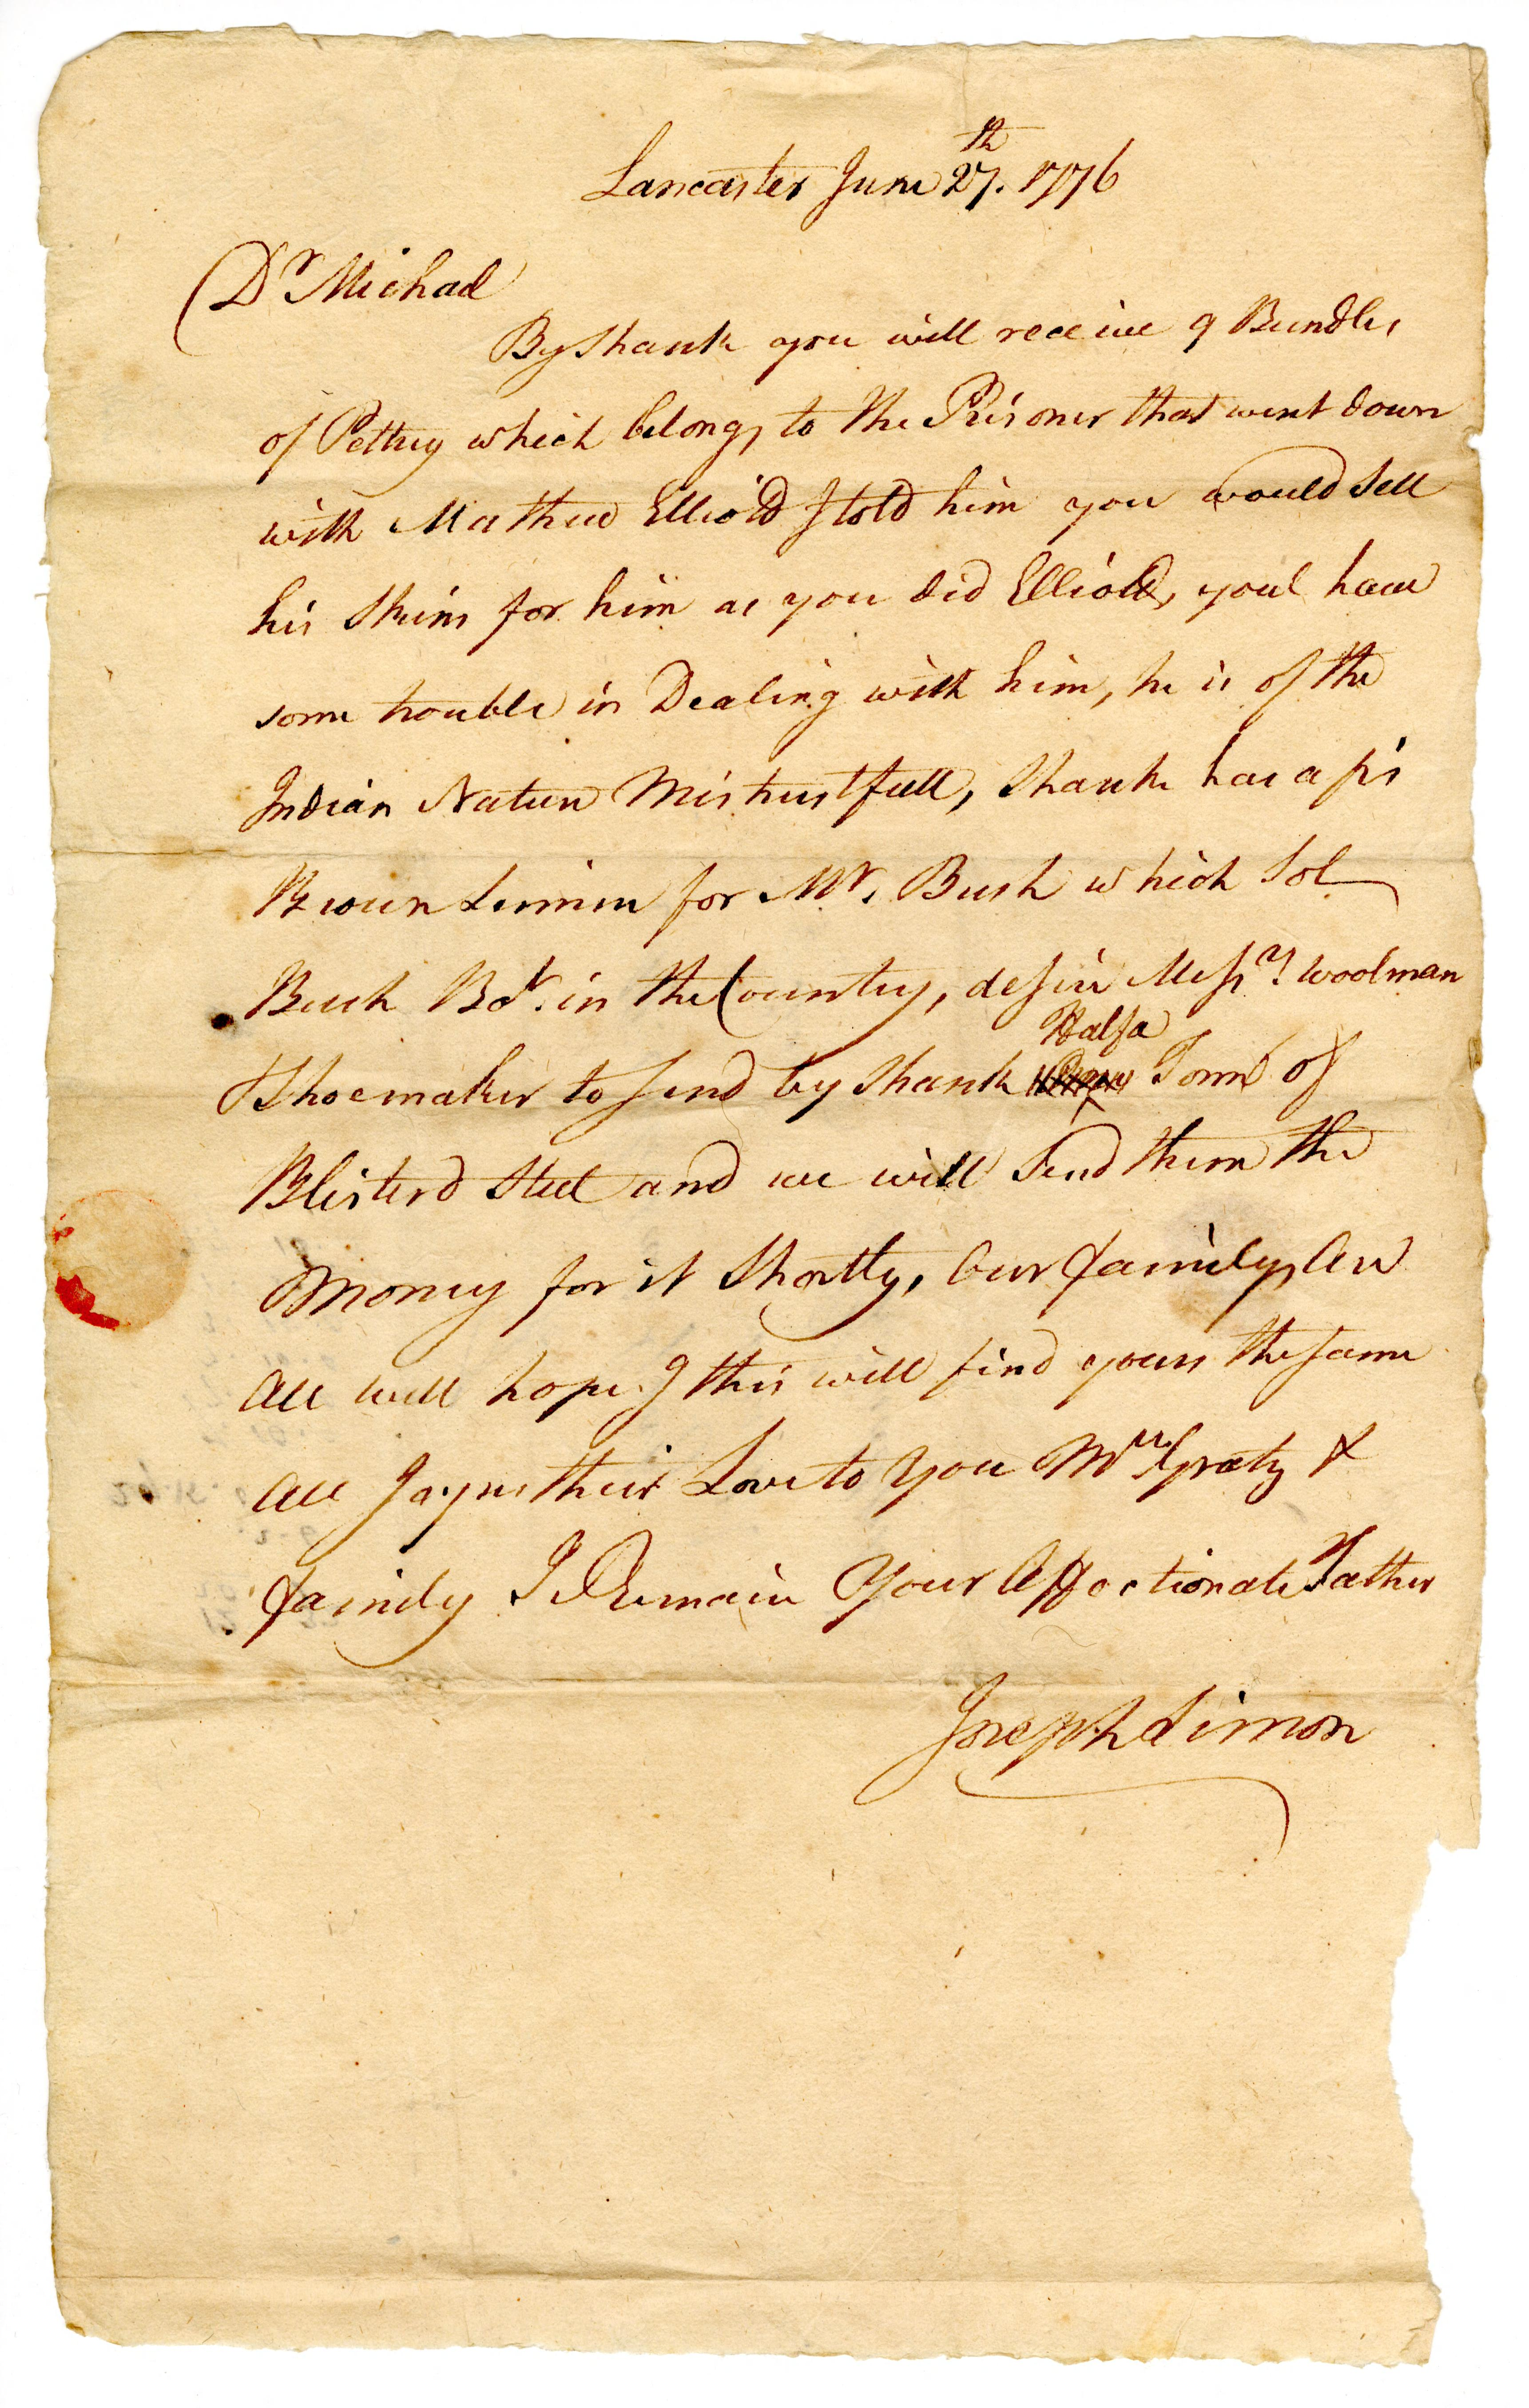Lancaster June 27^th 1776
D^r Michael
By Shank you will receive 9 Bundles,
of Peltry which belongs to the Prisoner that went down
with Mathew Elliotd I told him you would sell
his skins for him as you did Elliotd, youl have
some trouble in Dealing with him, he is of the
Indian Nation Mistrustfull, Shank has a pr
Brown Linen for M^r. Bush which Sol
Bush Bo^t. in the County, desire Mess^rs. Woolman
& Shoemaker to find by Shank [____] Tonn of
Half a
Blisterd Steel and we will Send them the
Money for it Shortly, our family are
all well hope^g. this will find yours the same
All Joyns their Love to You M^rs Gratz &
family I remain Your Affectionate Father
Joseph Simon